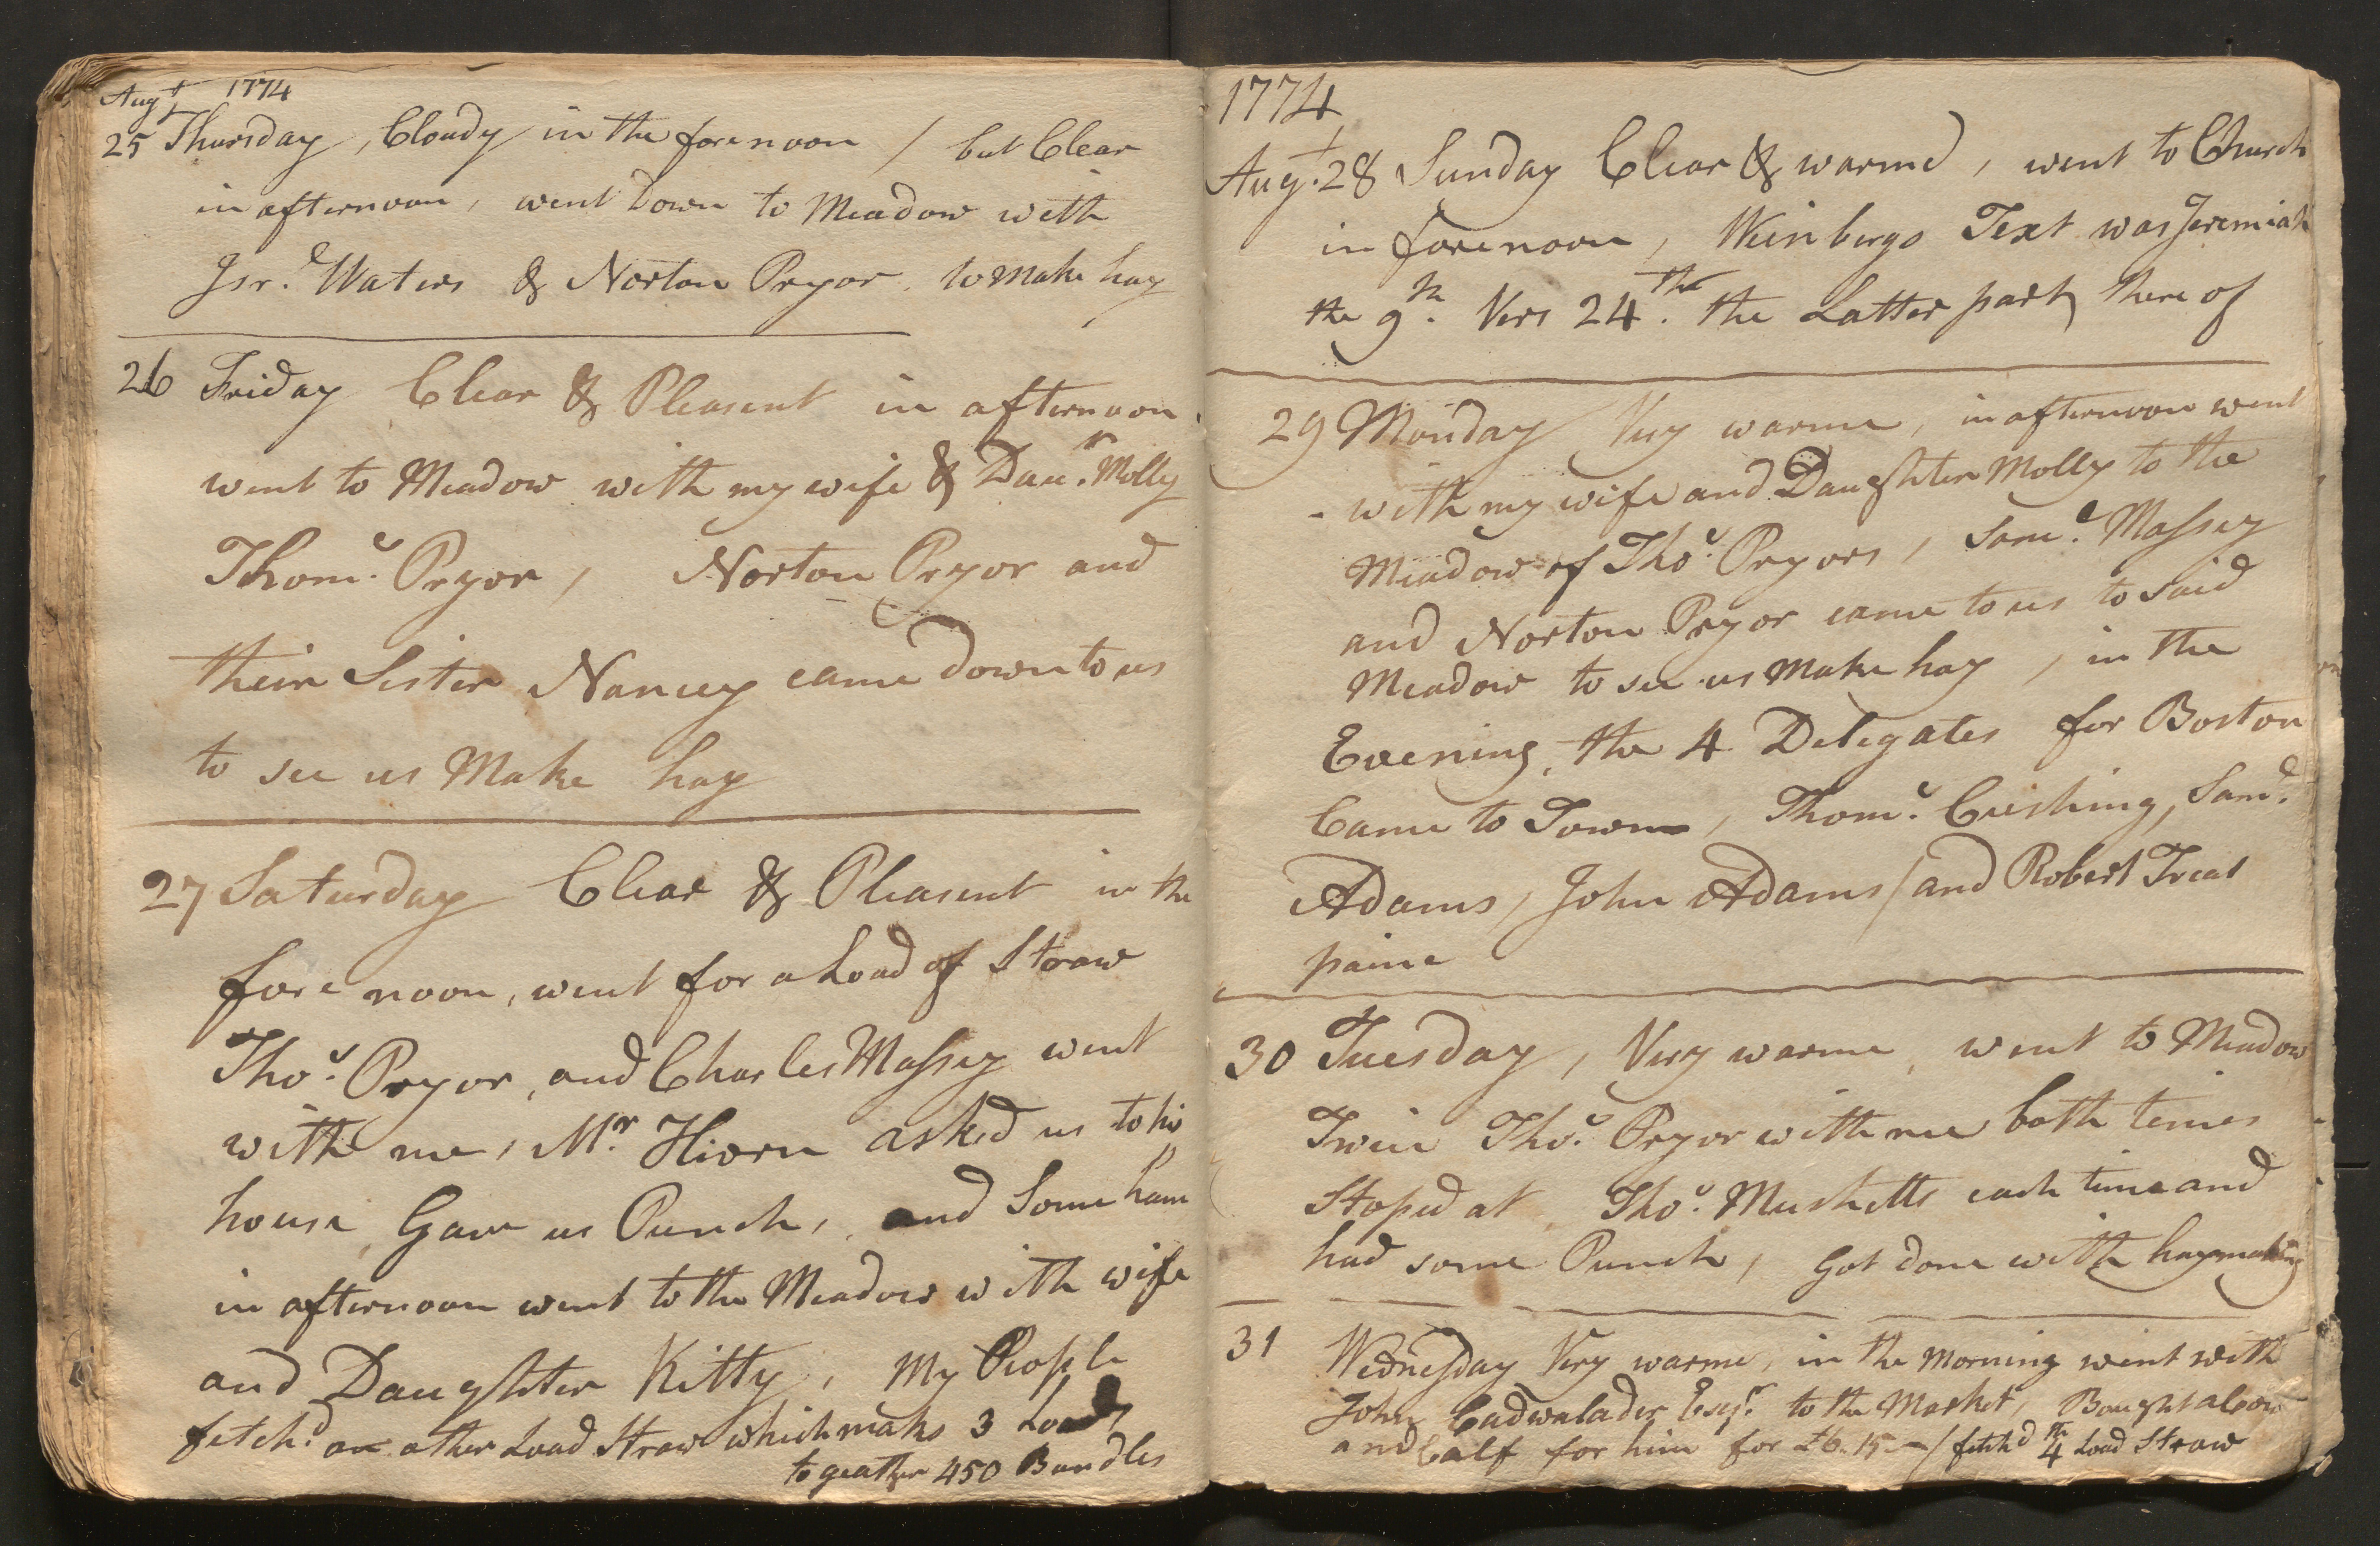1774
Aug^t
25 Thursday, Cloudy in the forenoon / but Clear
in afternoon, went Down to Meadow with
Isr^l. Waters & Norton Pryor to make hay
26 Friday Clear & Pleasent in afternoon
went to Meadow with my wife & Dau^r. Molly
Thom^s. Pryor, Norton Pryor and
their Sister Nancey came down to us
to see us Make hay
27 Saturday Clear & Pleasent in the
fore noon, went for a Load of Straw
Tho^s. Pryor and Charles Massey went
with me, M^r. Horn asked us to his
huse Gave us Punch, and some ham
in afternoon went to the Meadow with wife
and Daughter Kitty, My People
fetch^d. an other Load Straw which maks 3 Load
to geather 450 Bundles
1774
Aug^t. 28 Sunday Clear & warme, went to Church
in forenoon, Weinbergs Text was Jeremiah
the 9^th. Vers 24^th. the Latter part there of
29 Monday Vey warme, in afternoon went
with my wife and Daughter Molly to the
Meadow of Tho^s. Pryors, Sam^l. Massey
and Norton Pryor came to us to said
Meadow to see us Make hay, in the
Evening the 4 Delegates for Boston
Came to Towm, Thom^s. Cushing, Sam^l.
Adams, John Adams and Robest Treat
paine
30 Tuesday, Very warme went to Mendow
Twin Tho^s. Pryor with me both times
Stoped at Tho^s. Mushetts each time and
had some Punch, Got done with haymaking
31
Wednesday Very warme, in the morning went with
Johe Cadwalader Esq^r. to the Market, Bought a Cow
and Calf for him for £6..15-s fetch^d 4^th Load Straw